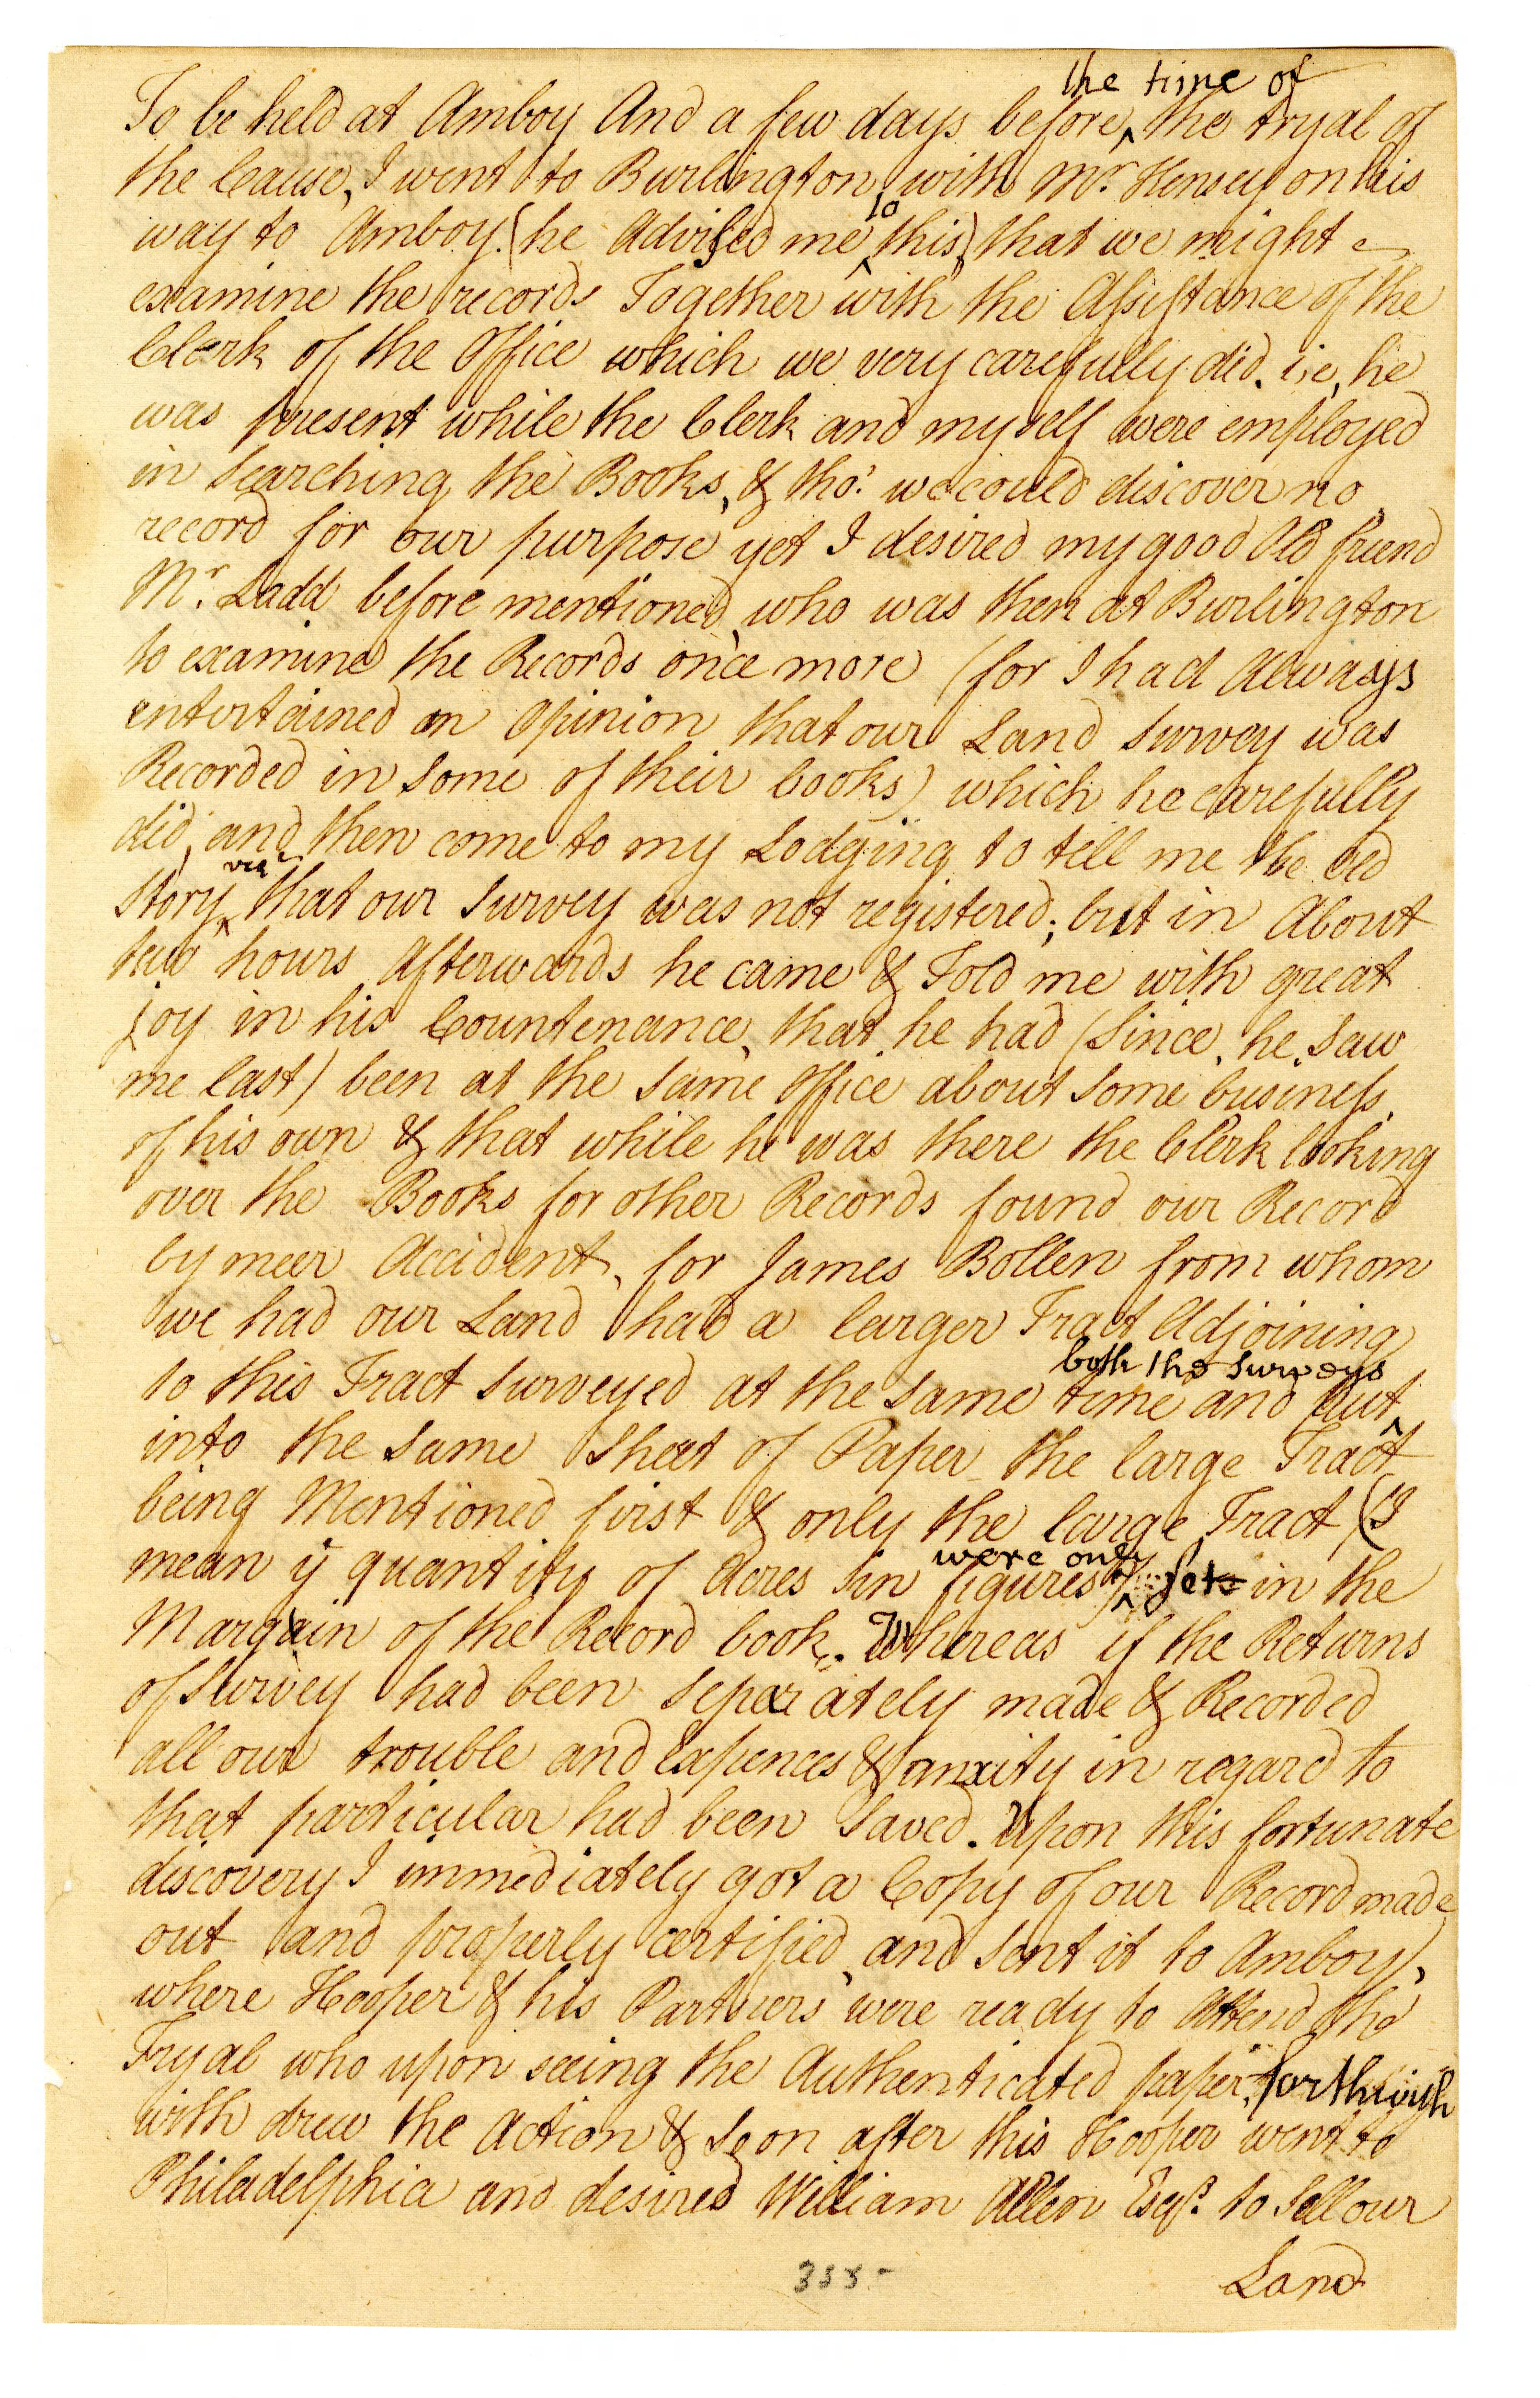the time of
To be held at Amboy And a few days before^ the tryal of
the Cause, I went to Burlington with M^r. Kensey on his
way to Amboy. (he Advised me this) that we might-
examine the records Together with the Assistance of the
Clerk of the Office which we very carefully did. ie, he
was present while the Clerk and myself were employed
in searching the Books, & tho.' we could discover no
record for our purpose yet I desired my good Old friend
M^r. Ladd before mentioned, who was then at Burlington
to examine the Records once more (for I had Always
entertained on Opinion that our Land Survey was
Recorded in Some of their books) which he carefully
did, and then come to my Lodging to tell me the Old
viz^t
story^ that our Survey was not registered; but in About
five hours afterwards he came & Told me with great
joy in his Countenance, that he had (Since, he, Saw
me last) been at the Same Office about some business,
of his own & that while he was there the Clerk looking
over the Books for other Records found our Record
by meer Accident, for James Bollen from whom
we had our Land had a larger Tract Adjoining
both the surveys
to this Tract surveyed at the Same time and out^
into the Same Sheet of Paper the large Tract
being Mentioned first & only the Large Tract (I
were only
mean y^e quantity of Acres in ^ figures) Set in the
Margin of the Record book. Whereas if the Returns
of Survey had been separately made & Recorded
all our trouble and Expenses & anxity in regard to
that particular had been Saved. Upon this fortunate
discovery I immediately got a Copy of our Record made
out and properly certified, and Sent it to Amboy,
where Hooper & his Partners were ready to Attend the
Tryal who upon seeing the Authenticated paper, forthwith
with drew the Action & Soon after this Hooper went to
Philadelphia and desired William Allen Eq^r. to Sell our
Land